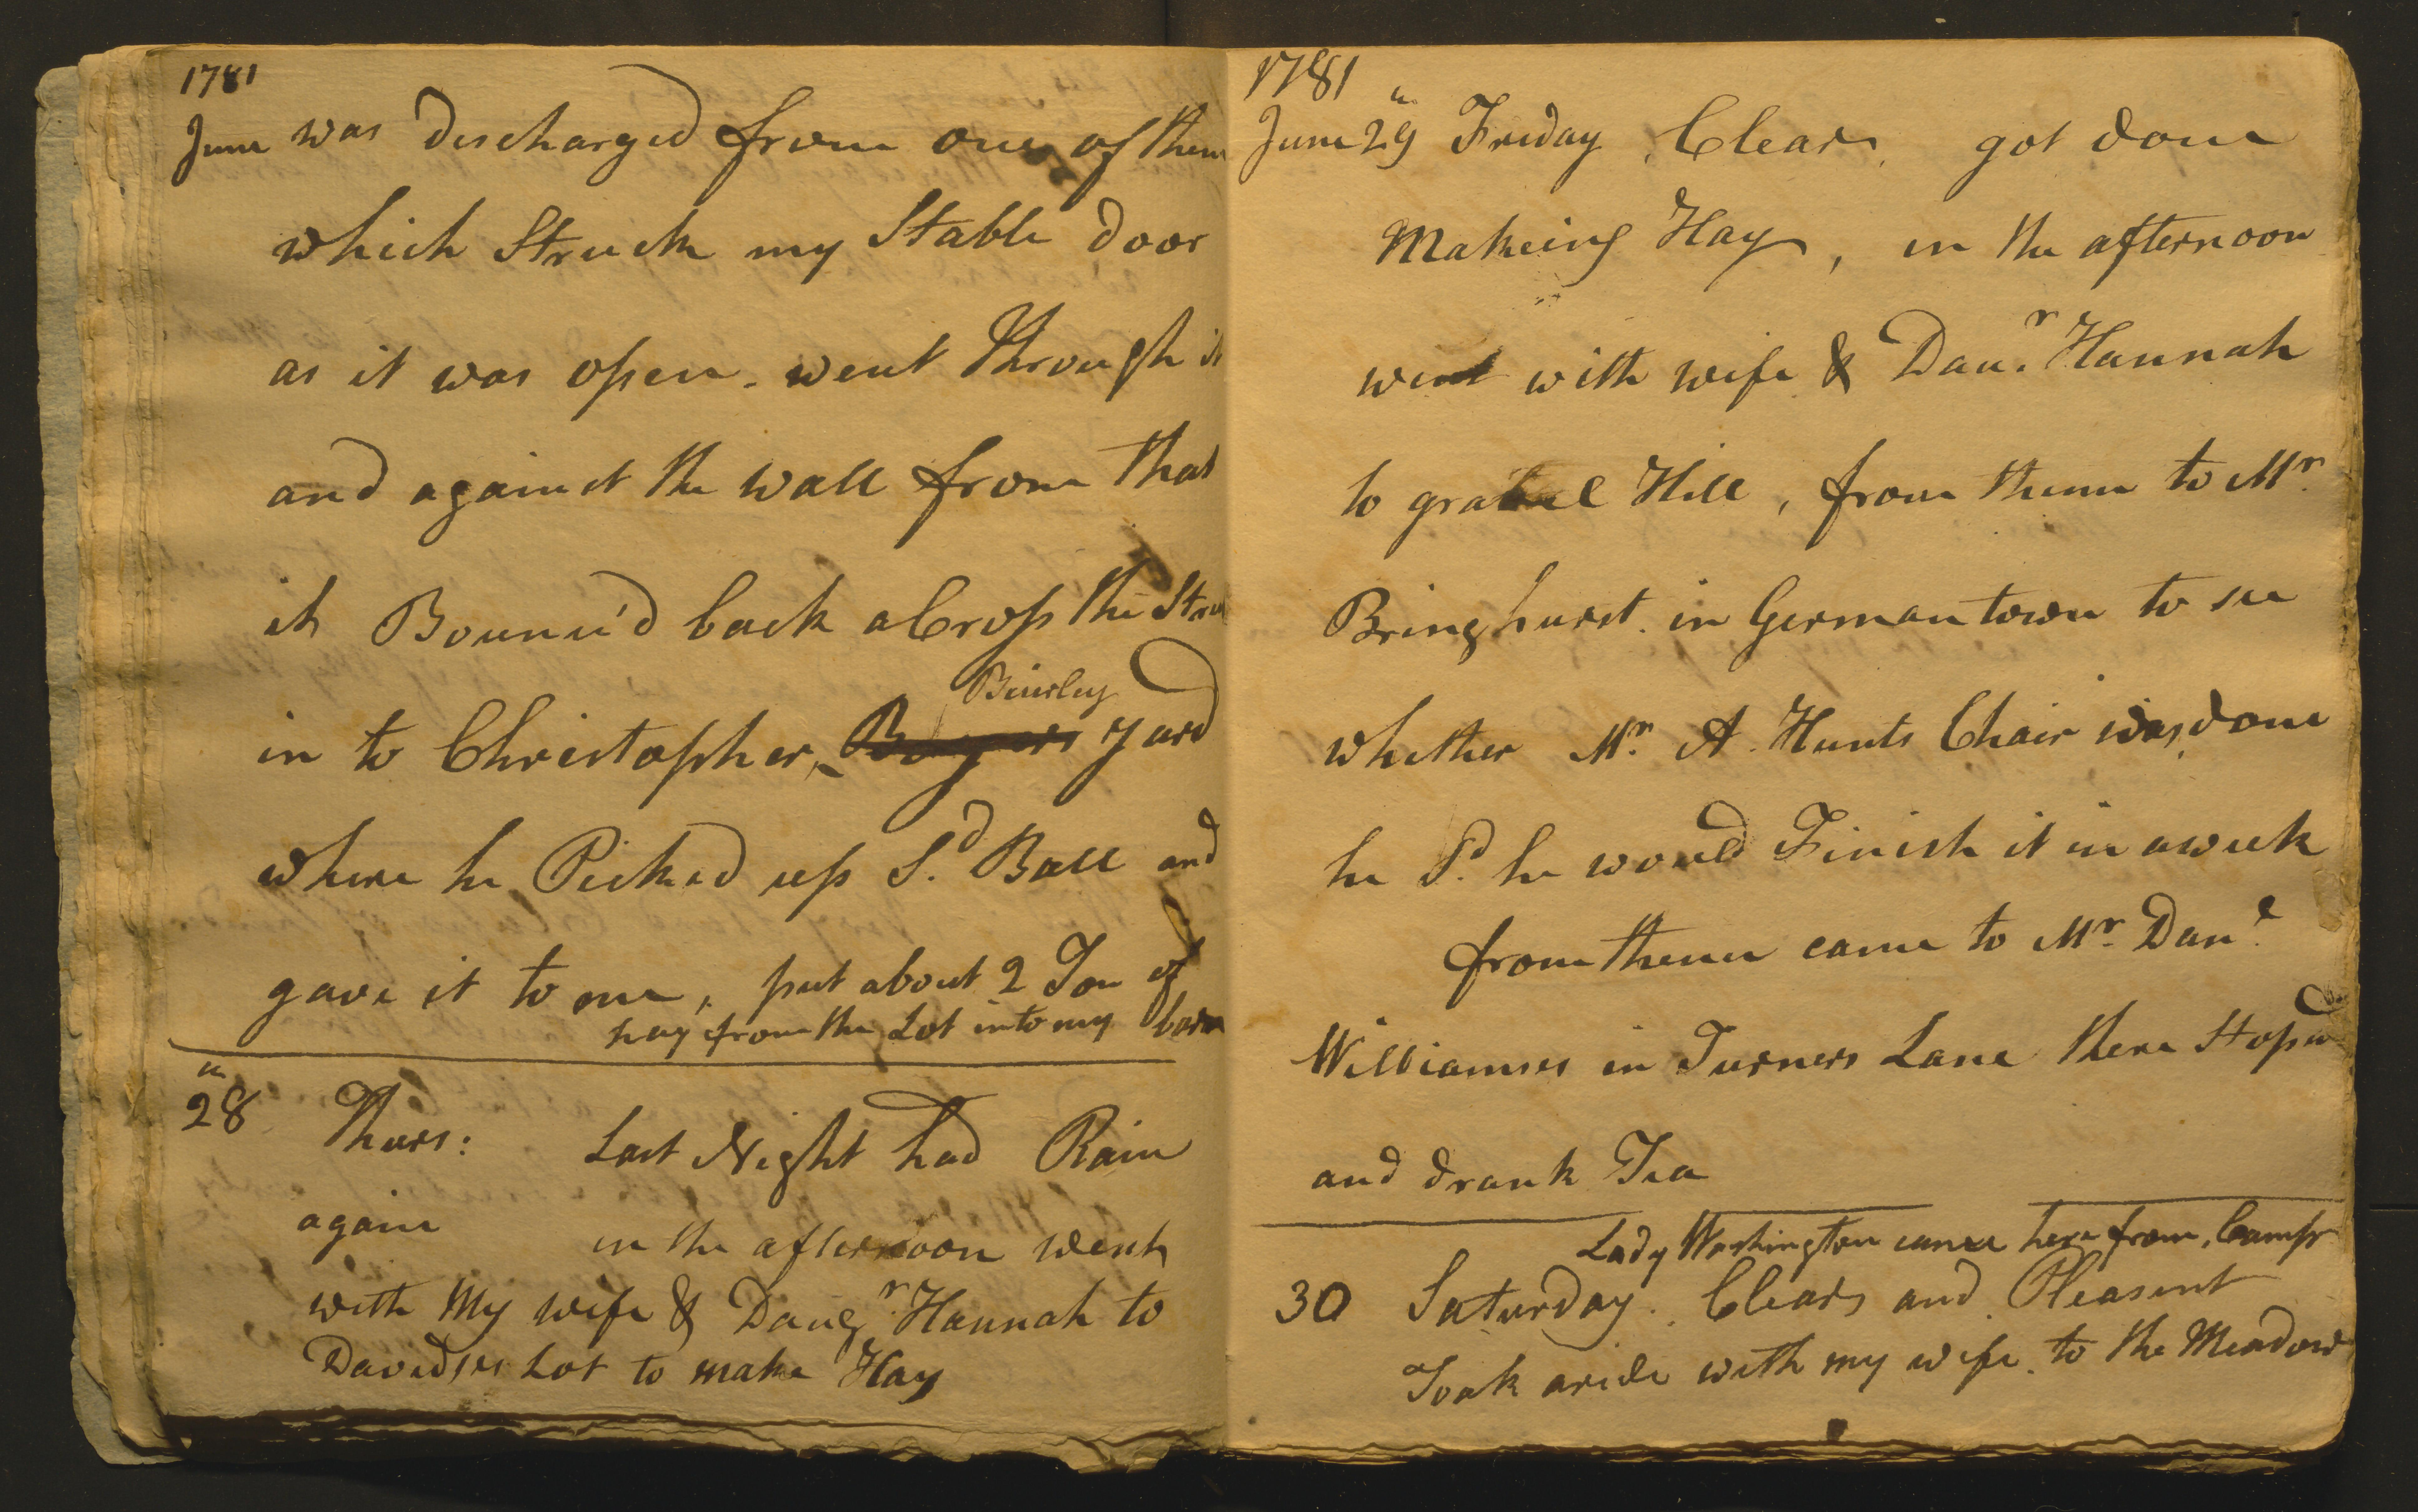1781
June was discharged from one of them
which Struck my Stable door
as it was open. went through it
and against the wall from that
it Bounce'd back a Cross the Straw
Buirley
in to Christopher ^ [_______] yard
where he Picked up s^d. Ball and
gave it to me, put about 2 Ton of
hay from the Lot into my barn
28 Thurs. Last Night had Rain
again
in the afternoon went
with My wife & Daug^r. Hannah to
Davidses Lot to make Hay
1781
June 29^th Friday Clear, got done
Makeing Hay in the afternoon
went with wife & Dau^r. Hannah
to gravel Hill, from thence to M^r.
Bringhurst in Germantown to see
whether M^r. A Hunts Chair was done
he s^d. In would Finish it in a week
from thence came to M^r. Dan^l.
Williamses in Turners Lane there Stoped
and drank Tea
Lady Washington came here from Camp
31 Saturday. Clear and Pleasent
Took a ride with my wife to the Meadow